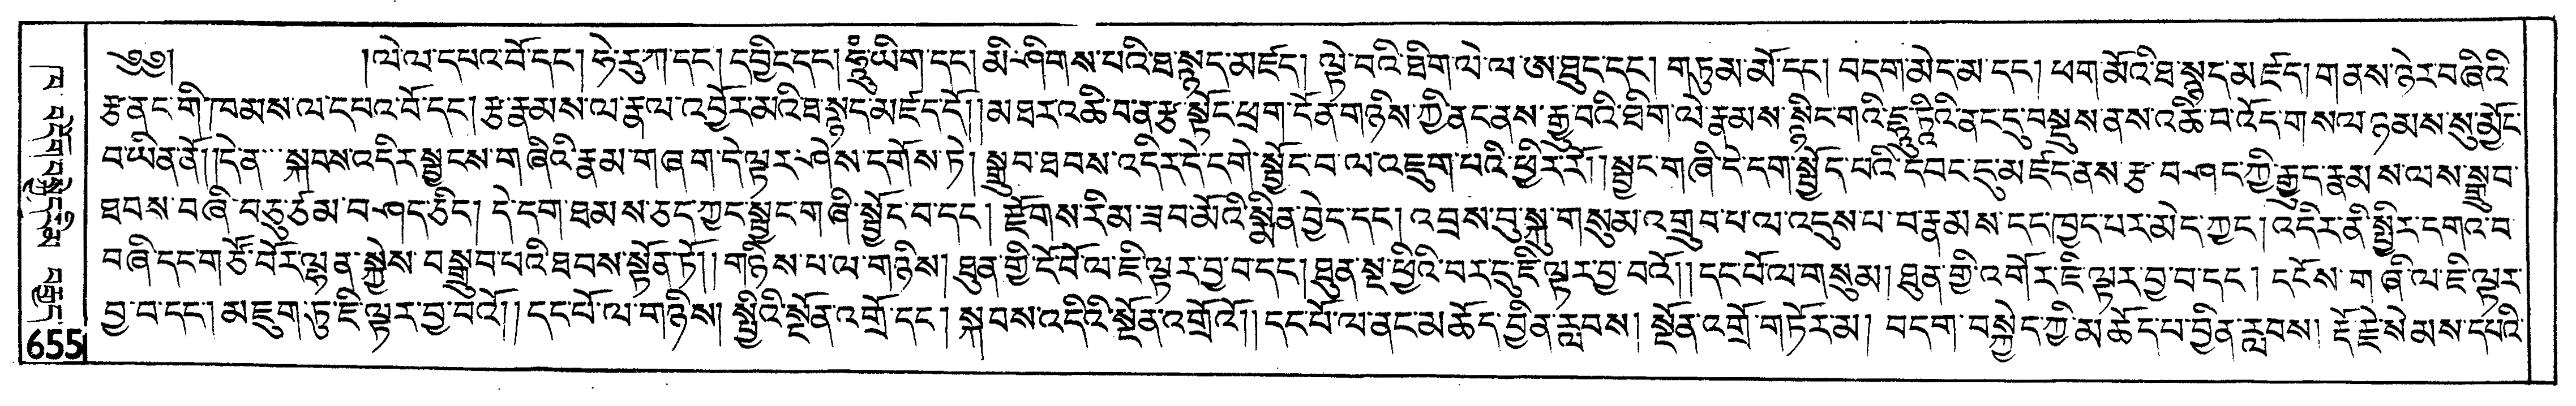༄༅། །ལེ་ལ་དཔའ་བོ་དང་། ཧེ་རུ་ཀ་དང་། དབྱིང་དང་། ཧཱུཾ་ཡིག་དང་། མི་ཤིགས་པའི་ཐ་སྙད་མཛད། ལྟེ་བའི་ཐིག་ལེ་ལ་ཨ་ཐུང་དང་། གཏུམ་མོ་དང་། བདག་མེད་མ་དང་། ཕག་མོའི་ཐ་སྙད་མཛད། གནས་ཉེར་བཞིའི་
རྩ་ནང་གི་ཁམས་ལ་དཔའ་བོ་དང་། རྩ་རྣམས་ལ་རྣལ་འབྱོར་མའི་ཐ་སྙད་མཛད་དོ། །མཐར་འཆི་བ་ན་རྩ་སྟོང་ཕྲག་དོན་གཉིས་ཀྱི་ནང་ནས་རྒྱུ་བའི་ཐིག་ལེ་རྣམས་སྙིང་གའི་དྷཱུ་ཏཱིའི་ནང་དུ་བསྡུས་ནས་འཆི་བ་འོད་གསལ་ཉམས་སུ་མྱོང་
བ་ཡིན་ནོ། །དེ་ན་སྐབས་འདིར་སྦྱངས་གཞིའི་རྣམ་གཞག་དེ་ལྟར་ཤེས་དགོས་ཏེ། སྒྲུབ་ཐབས་འདིར་དེ་དགེ་སྦྱོང་བ་ལ་འཇུག་པའི་ཕྱིར་རོ། །སྦྱང་གཞི་དེ་དག་སྤྱོད་པའི་དབང་དུ་མཛད་ནས་རྩ་བཤད་ཀྱི་རྒྱུད་རྣམས་ལས་སྒྲུབ་
ཐབས་བཞི་བཅུ་ཙམ་བཤད་ཅིང་། དེ་དག་ཐམས་ཅད་ཀྱང་སྦྱང་གཞི་སྦྱོང་བ་དང་། རྫོགས་རིམ་ཟབ་མོའི་སྨིན་བྱེད་དང་། འབྲས་བུ་སྐུ་གསུམ་འགྲུབ་པ་ལ་འདུས་པ་བ་རྣམས་དང་ཁྱད་པར་མེད་ཀྱང་། འདིར་ནི་སྤྱིར་དགའ་བ་
བཞི་དང་གཙོ་བོར་ལྷན་སྐྱེས་བསྒྲུབ་པའི་ཐབས་སྟོན་ཏོ། །གཉིས་པ་ལ་གཉིས། ཐུན་གྱི་ངོ་བོ་ལ་ཇི་ལྟར་བྱ་བ་དང་། ཐུན་སྔ་ཕྱིའི་བར་དུ་ཇི་ལྟར་བྱ་བའོ། །དང་པོ་ལ་གསུམ། ཐུན་གྱི་འགོར་ཇི་ལྟར་བྱ་བ་དང་། དངོས་གཞི་ལ་ཇི་ལྟར་
བྱ་བ་དང་། མཇུག་ཏུ་ཇི་ལྟར་བྱ་བའོ། །དང་པོ་ལ་གཉིས། སྤྱིའི་སྔོན་འགྲོ་དང་། སྐབས་འདིའི་སྔོན་འགྲོའོ། །དང་པོ་ལ་ནང་མཆོད་བྱིན་རླབས། སྔོན་འགྲོ་གཏོར་མ། བདག་བསྐྱེད་ཀྱི་མཆོད་པ་བྱིན་རླབས། རྡོ་རྗེ་སེམས་དཔའི་